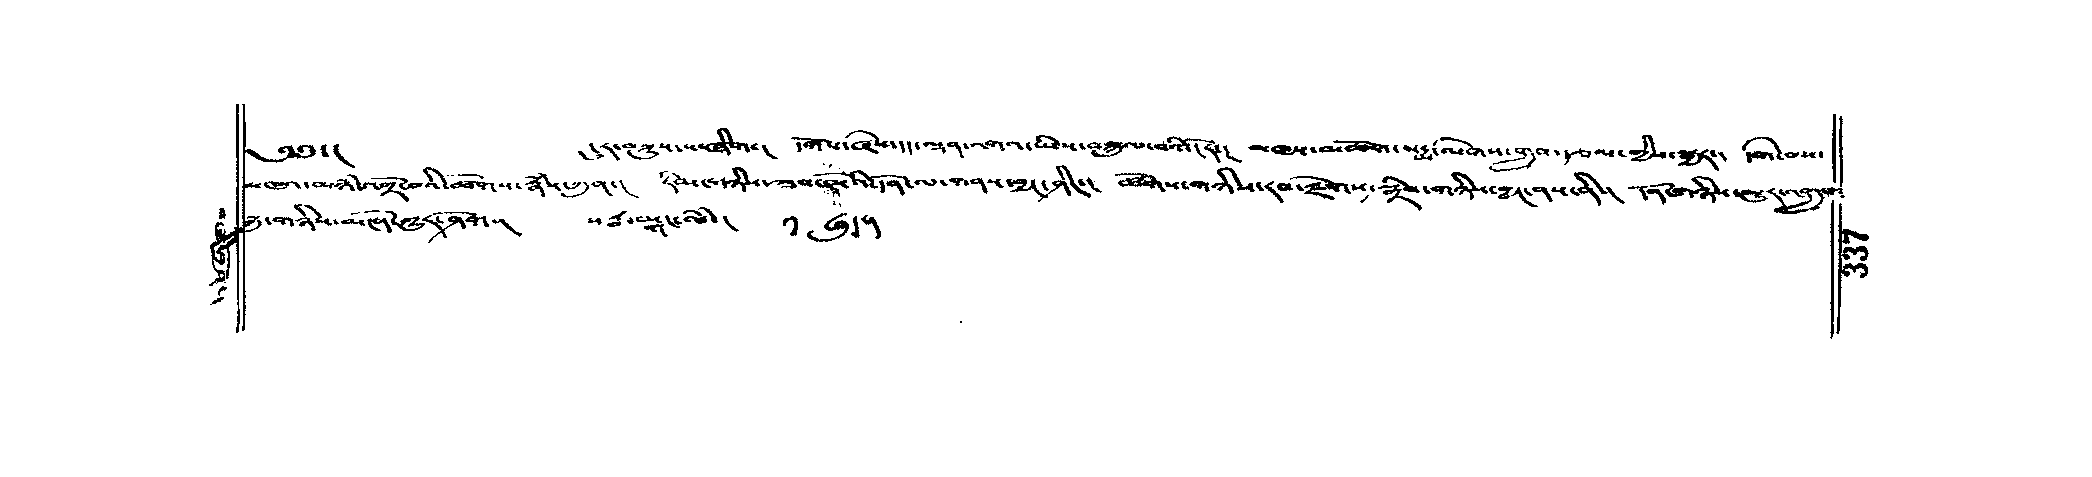ངུར་བསྡུས་པ་ཞིག་དགོས་ཞེས་དད་ལྡན་འགའ་ཡིས་བསྐུལ་བའི་ངོར། །མཁས་མཆོག་པདྨ་ལེགས་གྲུབ་སྩལ་གྱིས་སྦྱར། །དགེ་བས་
མཁའ་མཉམ་འགྲོ་བའི་ཚོགས་རྣམས་ཀུན། །རིམ་གཉིས་ཟབ་མོའི་དོན་ལ་གནས་བྱང་ཤིང་། །དོན་གཉིས་མྱུར་གྲུབ་
སྐུ་གཉིས་མངོན་གྱུར་ཤོག་